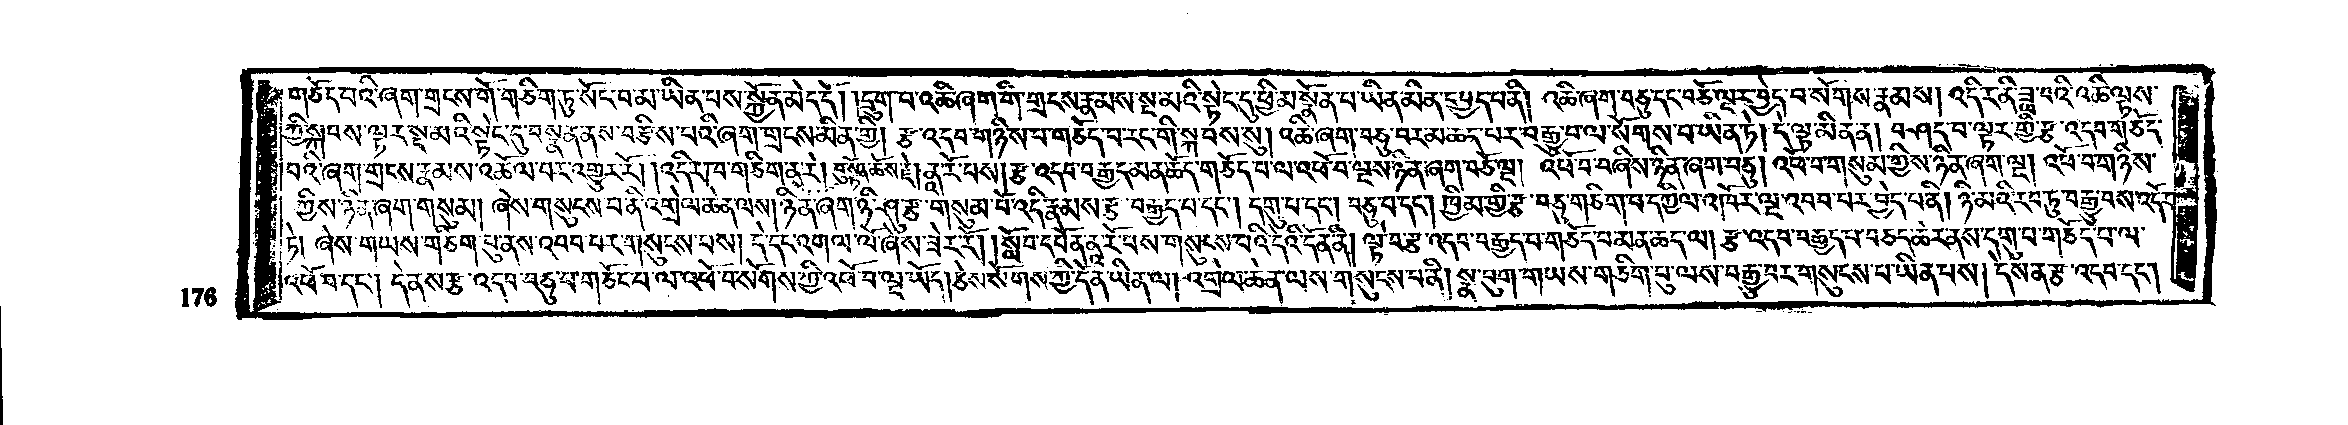གཅོད་པའི་ཞག་གྲངས་གོ་གཅིག་ཏུ་སོང་བ་མ་ཡིན་པས་སྐྱོན་མེད་དོ། །དྲུག་པ་འཆི་ཞག་གི་གྲངས་རྣམས་སྔ་མའི་སྟེང་དུ་ཕྱི་མ་སྣོན་པ་ཡིན་མིན་དཔྱད་པ་ནི། འཆི་ཞག་བཅུ་དང་བཅོ་ལྔར་བྱེད་པ་སོགས་རྣམས། འདིར་ནི་ཟླ་བའི་འཆི་ལྟས་
ཀྱི་སྐབས་ལྟར་སྔ་མའི་སྟེང་དུ་བསྣན་ནས་བརྩིས་པའི་ཞག་གྲངས་མིན་གྱི། རྩ་འདབ་གཉིས་པ་གཅོད་པ་རང་གི་སྐབས་སུ། འཆི་ཞག་བཅུ་བར་མ་ཆད་པར་བརྒྱུ་བ་ལ་སོགས་པ་ཡིན་ཏེ། དེ་ལྟ་མིན་ན། བཤད་པ་ལྟར་གྱི་རྩ་འདབ་གཅོད་
པའི་ཞག་གྲངས་རྣམས་འཆོལ་བར་འགྱུར་རོ། །འདིར་ཁ་གཅིག་ན་རེ། བུ་སྟོན་ཆོས་རྗེ།  ནཱ་རོ་པས། རྩ་འདབ་བརྒྱད་མན་ཆོད་གཅོད་པ་ལ་འཕོ་བ་ལྔས་ཉིན་ཞག་བཅོ་ལྔ། འཕོ་བ་བཞིས་ཉིན་ཞག་བཅུ། འཕོ་བ་གསུམ་གྱིས་ཉིན་ཞག་ལྔ། འཕོ་བ་གཉིས་
ཀྱིས་ཉིན་ཞག་གསུམ། ཞེས་གསུངས་པ་ནི་འགྲེལ་ཆེན་ལས། ཉིན་ཞག་ཉི་ཤུ་རྩ་གསུམ་པོ་འདི་རྣམས་རྩ་བརྒྱད་པ་དང་། དགུ་པ་དང་། བཅུ་པ་དང་། ཁྱིམ་གྱི་རྩ་བཅུ་གཅིག་པ་དཀྱིལ་འཁོར་ལྔ་འབབ་པར་བྱེད་པ་ནི། ཉི་མའི་རབ་ཏུ་བརྒྱུ་བས་འདོར་
ཏེ། ཞེས་གཡས་གཅིག་པུ་ནས་འབབ་པར་གསུངས་པས། དེ་དང་འགལ་ལོ་ཞེས་ཟེར་རོ། །སློབ་དཔོན་ནཱ་རོ་པས་གསུངས་པའི་དེའི་དོན་ནི། ལྟེ་བ་རྩ་འདབ་བརྒྱད་པ་གཅོད་པ་མན་ཆད་ལ། རྩ་འདབ་བརྒྱད་པ་བཅད་ཆེར་ནས་དགུ་པ་གཅོད་པ་ལ་
འཕོ་བ་དང་། དེ་ནས་རྩ་འདབ་བཅུ་པ་གཅོད་པ་ལ་འཕོ་བ་སོགས་ཀྱི་འཕོ་བ་ལྔ་ཡོད། ཅེས་སོགས་ཀྱི་དོན་ཡིན་ལ། འགྲེལ་ཆེན་ལས་གསུངས་པ་ནི། སྣ་བུག་གཡས་གཅིག་པུ་ལས་བརྒྱུ་བར་གསུངས་པ་ཡིན་པས། དེས་ན་རྩ་འདབ་དང་།